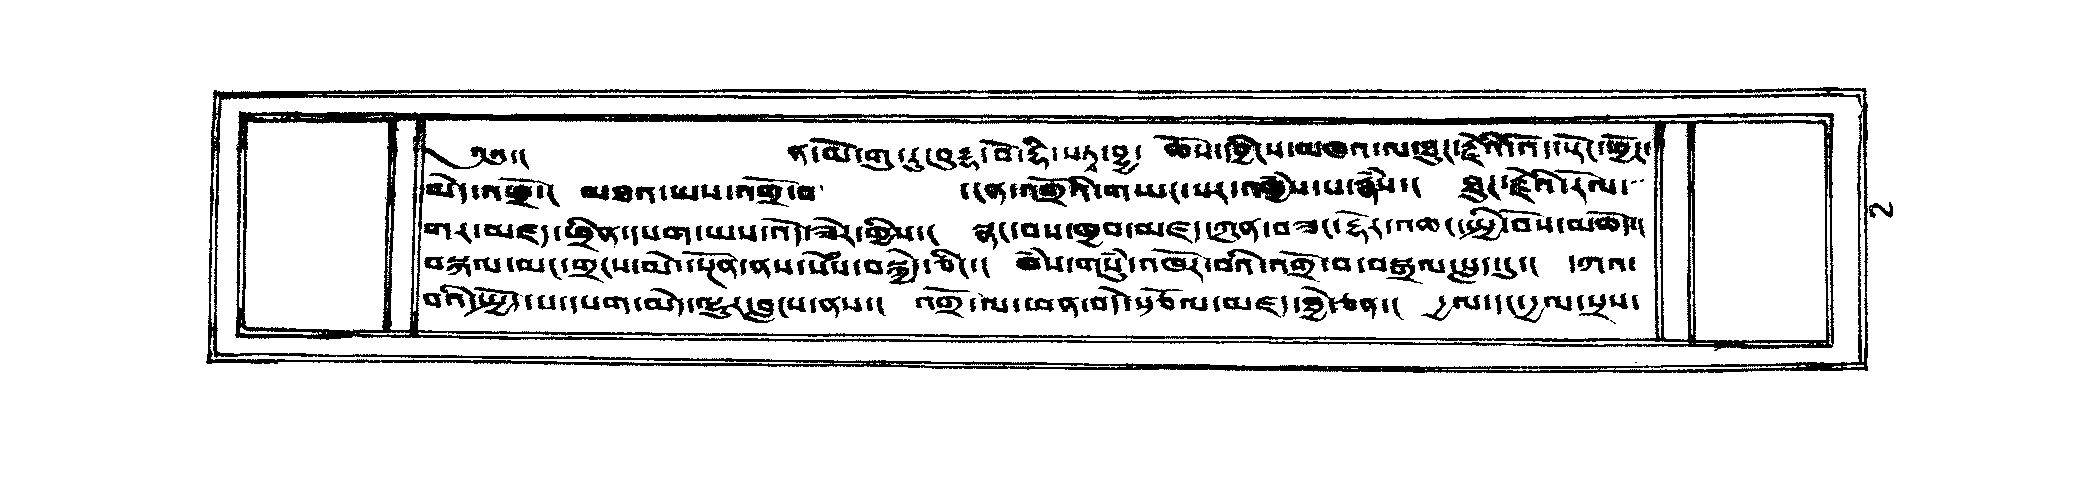ན་མོ་གུ་རུ་བུདྡྷ་བོ་དྷི་སཏྭ་བྷྱ། །ཆོས་དབྱིངས་མཁའ་ལ་ཐུགས་རྗེའི་འོད་སྟོང་ཕྱོགས་
མེད་འཕྲོ། །མཐའ་ཡས་འགྲོ་བ་ངན་གྲོའི་གཡང་སར་འཁྱམས་པ་རྣམས། །ཐུགས་རྗེའི་རོལ་
གར་མཛད་ཕྲིན་དཔག་ཡས་འོད་ཟེར་གྱིས། །སྣང་བས་ཁྱབ་མཛད་ཀུན་བཟང་རྡོར་འཆང་སྤྱི་བོས་མཆོད། །
བསྐལ་མང་གྲངས་མེད་སྔོན་ནས་སེམས་བསྐྱེད་ཅིང་། །ཁམས་གསུམ་འཁོར་བའི་འགྲོ་བ་བསྒྲལ་སླད་དུ། །དཀའ་
བའི་སྤྱོད་པ་དཔག་མེད་ལྷུར་བླངས་ནས། །འགྲོ་ལ་ཕན་བདེ་སྩོལ་མཛད་ཐུགས་རྗེ་ཅན། །རྒྱལ་དང་རྒྱལ་སྲས་